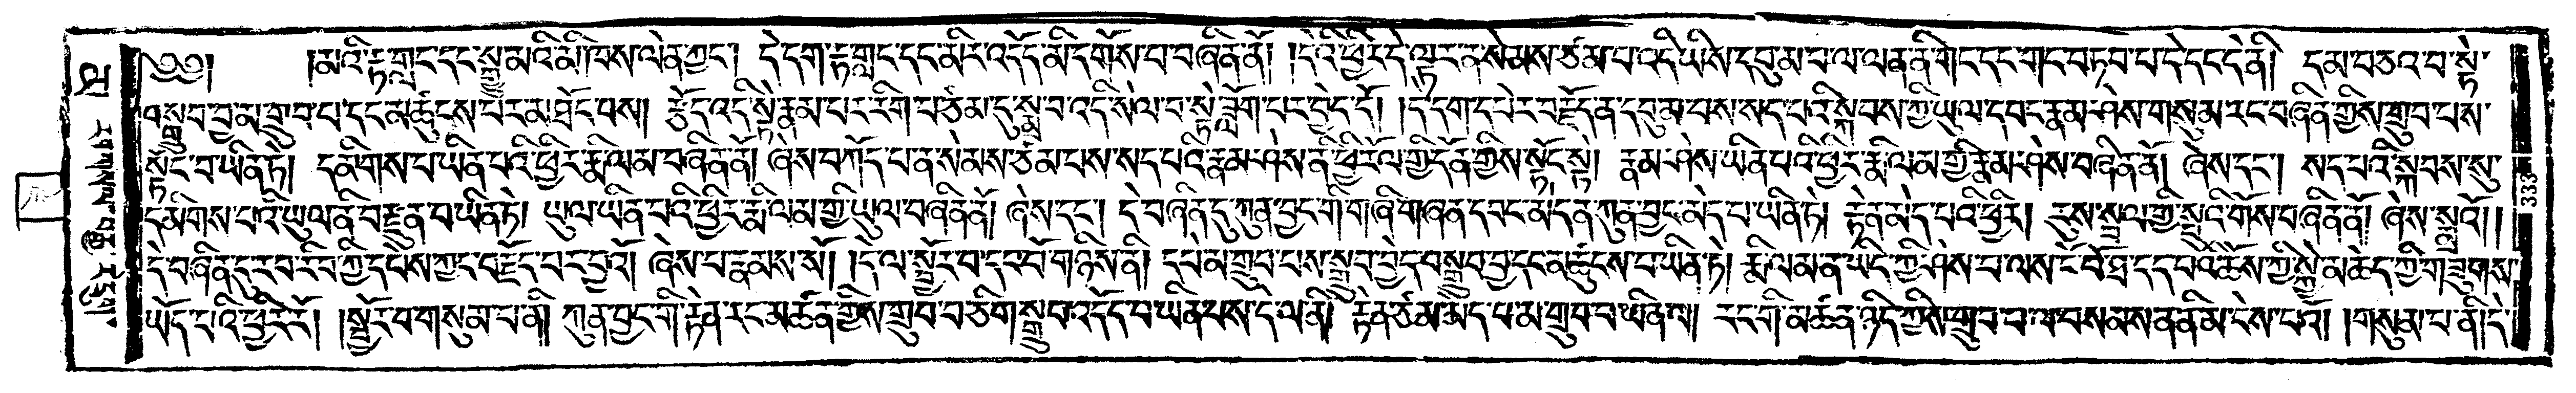༄༅། །མའི་རྟ་གླང་དང་སྒྱུ་མའི་མི་ཁས་ལེན་ཀྱང་། དེ་དག་རྟ་གླང་དང་མིར་འདོད་མི་དགོས་པ་བཞིན་ནོ། །དེའི་ཕྱིར་དེ་ལྟར་ན་སེམས་ཙམ་པ་འདི་ཡིས་དབུ་མ་པ་ལ་ལན་ནི་གང་དང་གང་བཏབ་པ་དེ་དང་དེ་ནི། དམ་བཅའ་བ་སྟེ་
བསྒྲུབ་བྱ་མ་གྲུབ་པ་དང་མཚུངས་པར་མཐོང་བས། རྩོད་འདི་སྟེ་རྣམ་པར་རིག་པ་ཙམ་དུ་སྨྲ་བ་འདི་སེལ་བ་སྟེ་ཟློག་པར་བྱད་དོ། །དེ་དག་དཔེར་བརྗོད་ན་དབུ་མ་པས་སད་པའི་སྐབས་ཀྱི་ཡུལ་དབང་རྣམ་ཤེས་གསུམ་རང་བཞིན་གྱིས་གྲུབ་པས་
སྟོང་པ་ཡིན་ཏེ། དམིགས་པ་ཡིན་པའི་ཕྱིར་རྨི་ལམ་བཞིན་ནོ། ཞེས་བཀོད་པ་ན་སེམས་ཙམ་པས་སད་པའི་རྣམ་ཤེས་ནི་ཕྱི་རོལ་གྱི་དོན་གྱིས་སྟོང་སྟེ། རྣམ་ཤེས་ཡིན་པའི་ཕྱིར་རྨི་ལམ་གྱི་རྣམ་ཤེས་བཞིན་ནོ་ཞེས་དང་། སད་པའི་སྐབས་སུ་
དམིགས་པའི་ཡུལ་ནི་བརྫུན་པ་ཡིན་ཏེ། ཡུལ་ཡིན་པའི་ཕྱིར་རྨི་ལམ་གྱི་ཡུལ་བཞིན་ནོ། ཞེས་དང་། དེ་བཞིན་དུ་ཀུན་བྱང་གི་གཞི་གཞན་དབང་མེད་ན་ཀུན་བྱང་མེད་པ་ཡིན་ཏེ། རྟེན་མེད་པའི་ཕྱིར། རུས་སྦལ་གྱི་སྤུའི་གོས་བཞིན་ནོ། ཞེས་སྨྲའོ།།
དེ་བཞིན་དུ་རབ་རིབ་ཀྱི་དཔེས་ཀྱང་བརྗོད་པར་བྱའོ། ཞེས་པ་རྣམས་སོ། །དེ་ལ་སྦྱོར་བ་དང་པོ་གཉིས་ནི། དཔེ་མ་གྲུབ་པས་སྒྲུབ་བྱེད་བསྒྲུབ་བྱ་དང་མཚུངས་པ་ཡིན་ཏེ། རྨི་ལམ་ན་ཡིད་ཀྱི་ཤེས་པ་ལས་ངོ་བོ་ཐ་དད་པའི་ཆོས་ཀྱི་སྐྱེ་མཆེད་ཀྱི་གཟུགས་
ཡོད་པའི་ཕྱིར་རོ། །སྦྱོར་བ་གསུམ་པ་ནི། ཀུན་བྱང་གི་རྟེན་རང་མཚན་གྱིས་གྲུབ་པ་ཅིག་སྒྲུབ་འདོད་པ་ཡིན་པས་དེ་ལ་ནི། རྟེན་ཙམ་མེད་པ་མ་གྲུབ་པ་ཡིན་ལ། རང་གི་མཚན་ཉིད་ཀྱིས་གྲུབ་པ་ལ་བསམས་ན་ནི་མ་ངེས་པའོ། །གསུམ་པ་ནི། དེ་